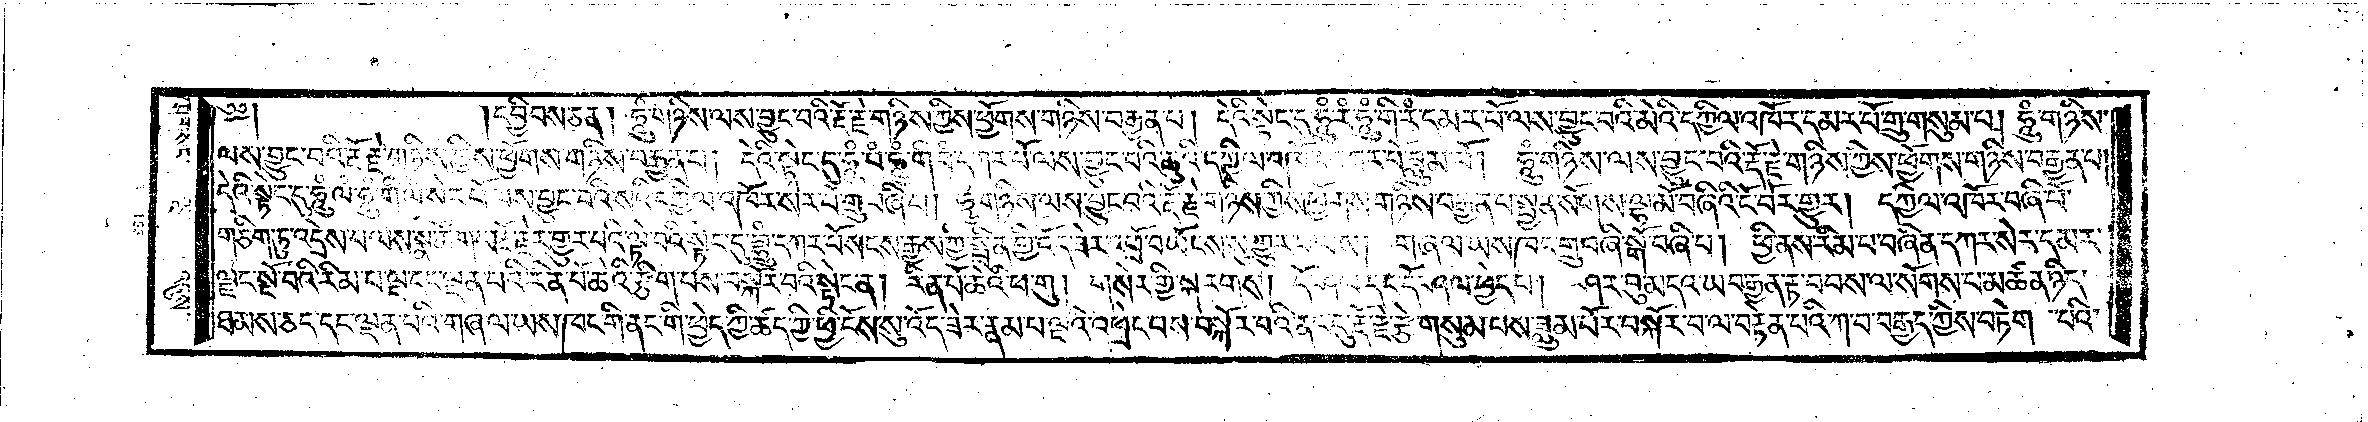༄༅། །དབྱིབས་ཅན། ཧཱུཾ་གཉིས་ལས་བྱུང་བའི་རྡོ་རྗེ་གཉིས་ཀྱིས་ཕྱོགས་གཉིས་བརྒྱན་པ། དེའི་སྟེང་དུ་ཧཱུཾ་རཾ་ཧཱུཾ་གི་རཾ་དམར་པོ་ལས་བྱུང་བའི་མེའི་དཀྱིལ་འཁོར་དམར་པོ་གྲུ་གསུམ་པ། ཧཱུཾ་གཉིས་
ལས་བྱུང་བའི་རྡོ་རྗེ་གཉིས་ཀྱིས་ཕྱོགས་གཉིས་བརྒྱན་པ། དེའི་སྟེང་དུ་ཧཱུཾ་བཾ་ཧཱུཾ་གི་བཾ་དཀར་པོ་ལས་བྱུང་བའི་ཆུའི་དཀྱིལ་འཁོར་དཀར་པོ་ཟླུམ་པོ། ཧཱུཾ་གཉིས་ལས་བྱུང་བའི་རྡོ་རྗེ་གཉིས་ཀྱིས་ཕྱོགས་གཉིས་བརྒྱན་པ་
དེའི་སྟེང་དུ་ཧཱུཾ་ལཾ་ཧཱུཾ་གི་ལཾ་སེར་པོ་ལས་བྱུང་བའི་སའི་དཀྱིལ་འཁོར་སེར་པོ་གྲུ་བཞི་པ། ཧཱུཾ་གཉིས་ལས་བྱུང་བའི་རྡོ་རྗེ་གཉིས་ཀྱིས་ཕྱོགས་གཉིས་བརྒྱན་པ་སྤྱན་སོགས་ལྷ་མོ་བཞིའི་ངོ་བོར་གྱུར། དཀྱིལ་འཁོར་བཞི་པོ་
གཅིག་ཏུ་འདྲེས་པ་ལས་སྣ་ཚོགས་རྡོ་རྗེར་གྱུར་པའི་ལྟེ་བའི་སྟེང་དུ་བྷཱུཾ་དཀར་པོ་སངས་རྒྱས་ཀྱི་སྤྲིན་གྱི་འོད་ཟེར་འཕྲོ་བ་ཡོངས་སུ་གྱུར་པ་ལས། གཞལ་ཡས་ཁང་གྲུབ་ཞི་སྒོ་བཞི་པ། ཕྱི་ནས་རིམ་པ་བཞིན་དཀར་སེར་དམར་
ལྗང་སྔོ་བའི་རིམ་པ་ལྔ་དང་ལྡན་པའི་རིན་པོ་ཆེའི་རྩིག་པས་བསྐོར་བའི་སྟེང་ན། རིན་པོ་ཆེའི་ཕ་གུ། གསེར་གྱི་སྐ་རགས། དོ་ཤལ་དང་དོ་ཤལ་ཕྱེད་པ། ཤར་བུ་མདའ་ཡབ་རྒྱན་རྟ་བབས་ལ་སོགས་པ་མཚན་ཉིད་
ཐམས་ཅད་དང་ལྡན་པའི་གཞལ་ཡས་ཁང་གི་ནང་གི་ཕྱེད་ཀྱི་ཚད་ཀྱི་ཕྱི་ངོས་སུ་འོད་ཟེར་རྣམ་པ་ལྔའི་འཕྲེང་བས་བསྐོར་བའི་ནང་དུ་རྡོ་རྗེ་རྩེ་གསུམ་པས་ཟླུམ་པོར་བསྐོར་བ་ལ་བརྟེན་པའི་ཀ་བ་བརྒྱད་ཀྱིས་བཏེག་པའི་